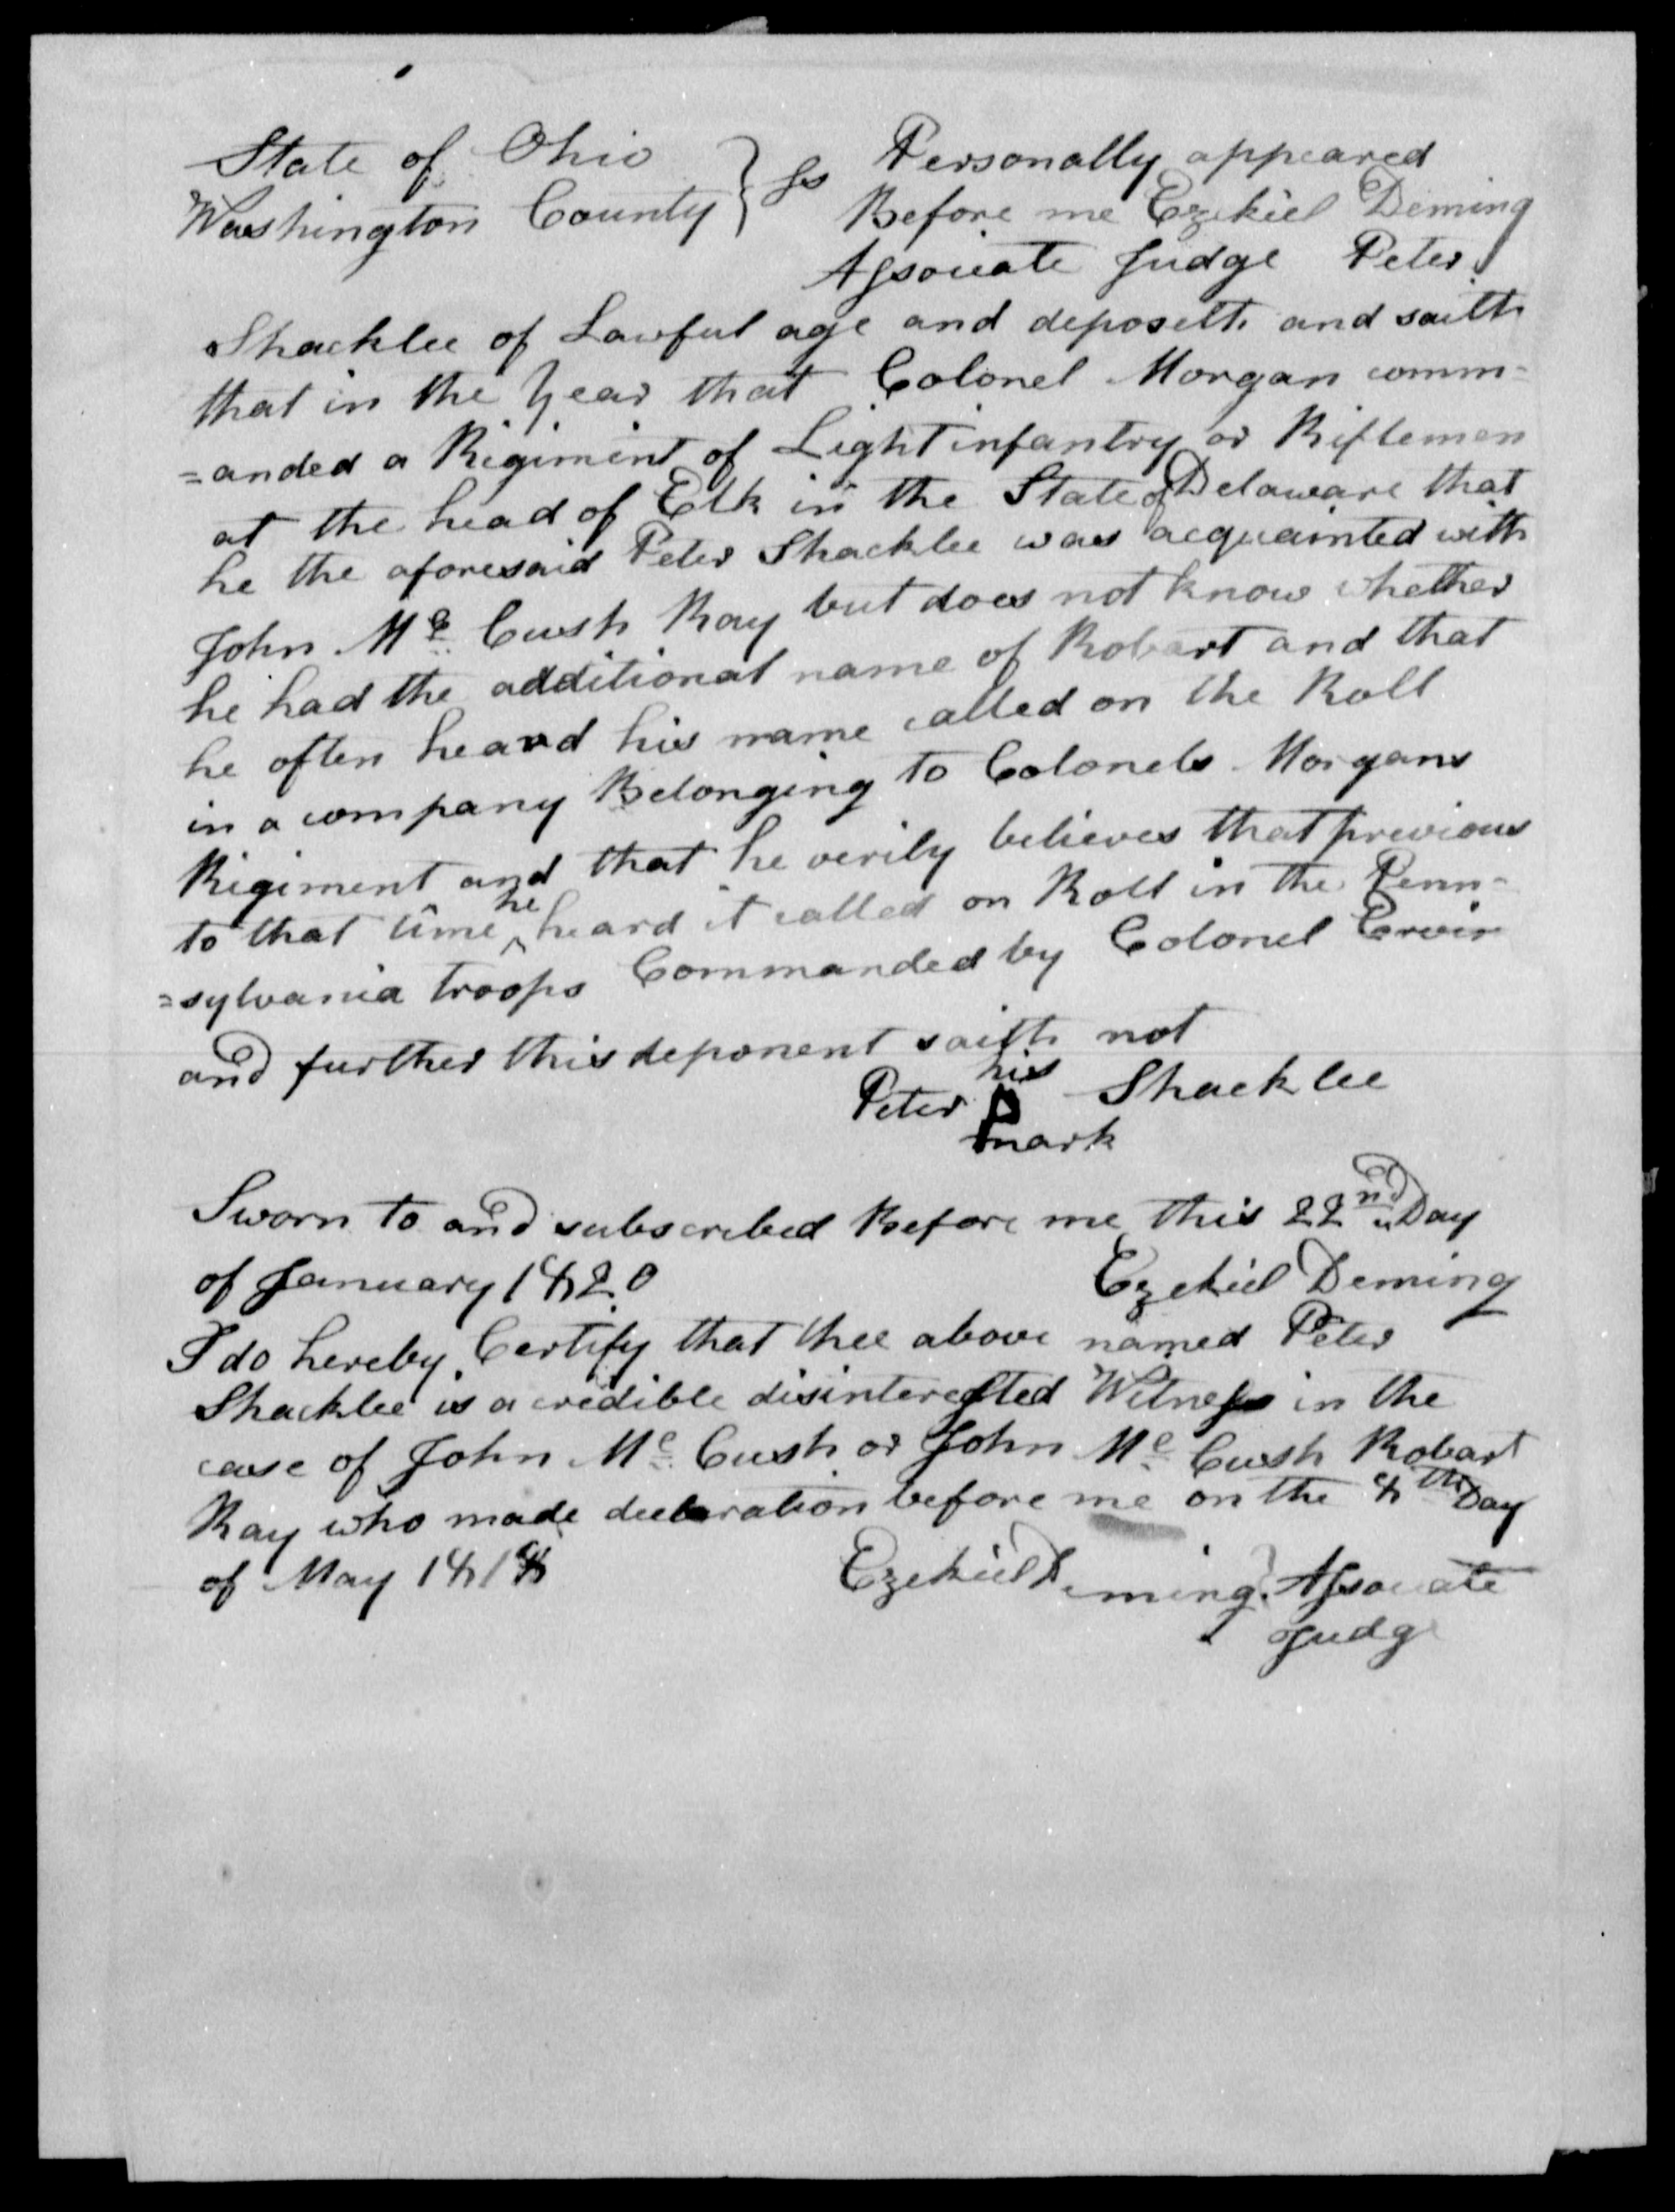State of Ohio Washington County 
Personally appeared before me Ezekiel Deming Assocaite Judge   Peter Shacklee of Lawful age and deposith and saith that in the Year that Colonel Morgan commanded a regiment of Flight infantry or Rifleman at the Elk in State of Delaware that that he the aforesaid Peter Shacklee was acquainted with John McCush Ray  but does  not know whether he had the additional name of Robert and that he often heard his name called on the Roll in a company belonging to Colonel Morgan's Regiment and that he verily believes that previous to that time he heard it call on the roll in Pennsylvania troops commanded by Colonel  Ervin and further this deponent saith not 
Peter Shacklee
his mark    P
Sworn to and subscribed Before me this 22nd Day of January 1820 
Ezekiel Deming
I do hereby certify that the above named Peter Shacklee is a credible disinterested Witness in the Case of John McCush or John McCush Robart Ray who made his declaration before me on the 8th Day of May 1818 
Ezekiel Deming
Associate Judge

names: Peter Shacklee; Peter Shacklee; [BLANK] Ervin; [BLANK] Morgan; Robart Ray; John Mc Cush; Ezekiel Deming; Peter Shacklee; John Mc Cush; Robart [BLANK]; Ezekiel Deming; Ezekiel Deming; John Mc Cush Ray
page: 14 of 20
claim: survivor's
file: S. 40,990, for John Mc Cush Robert Ray, Pennsylvania